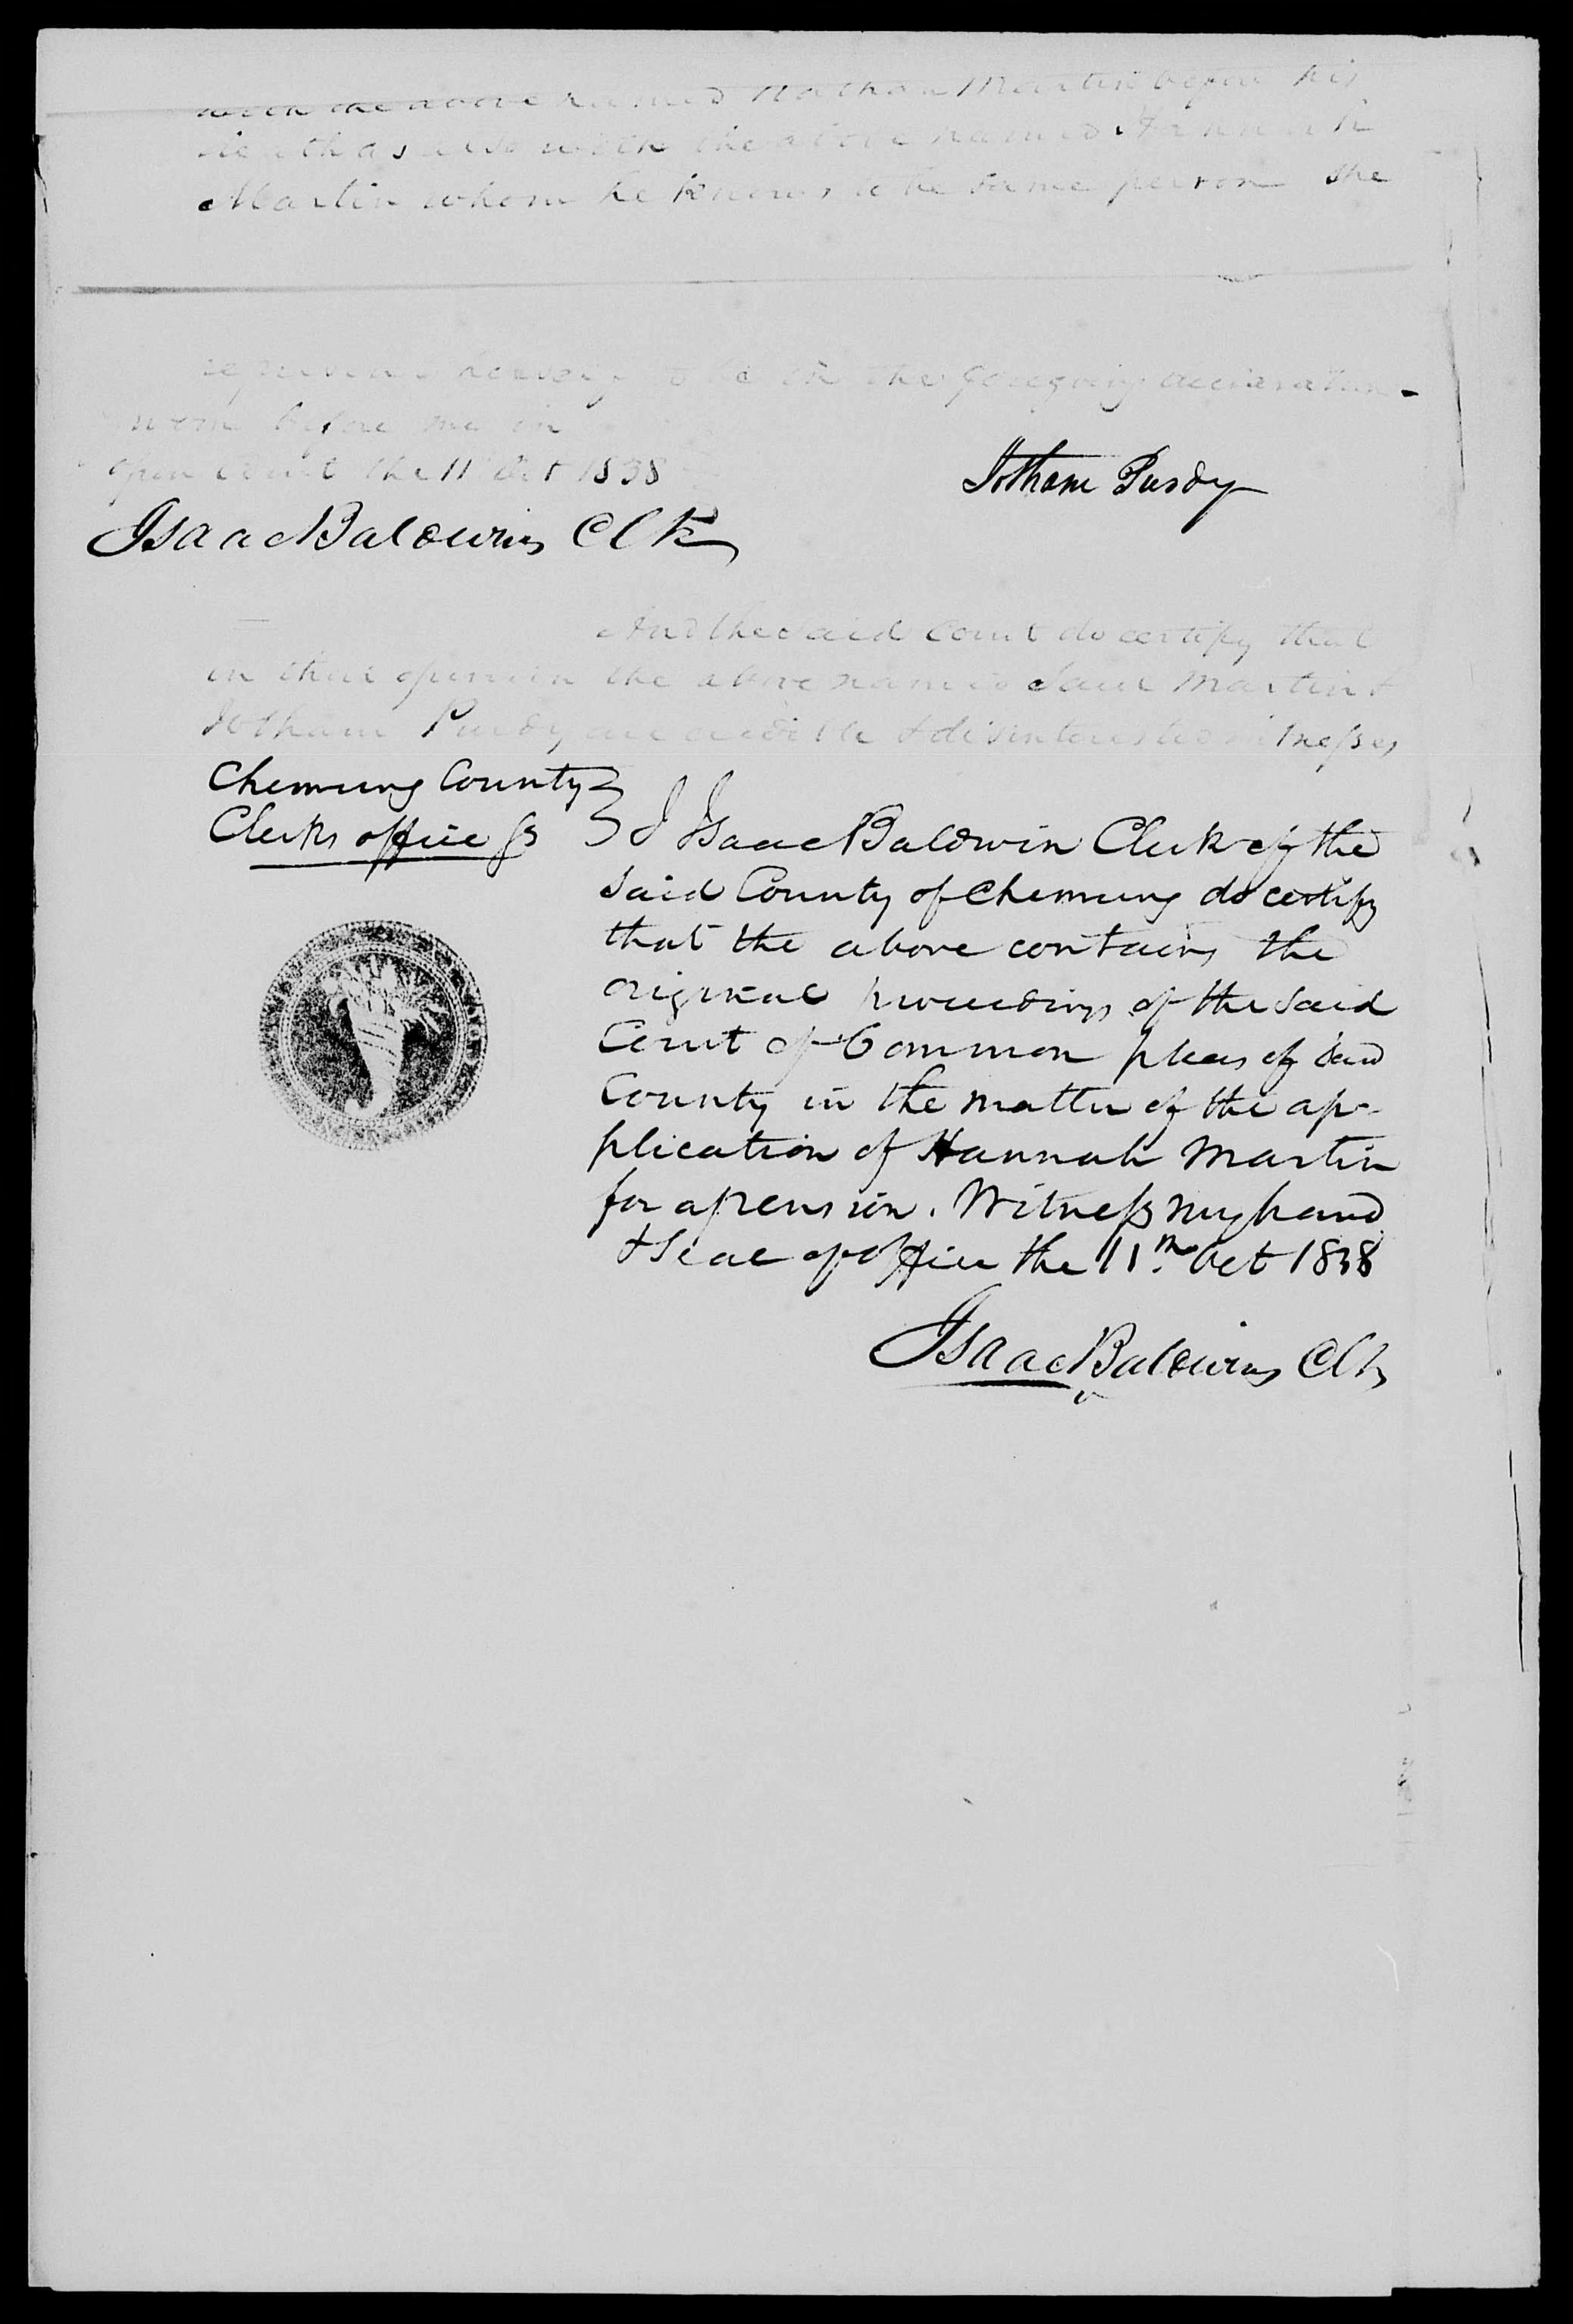with the above named Nathan Martin before his death and also with the above named Hannah Martin whom he knows to be same person she represents herself to be & in the foregoing declaration.
Sworn before me in open court the 1 Oct 1838
[signature] Isaac Baldwin Clk
[signature] Jotham Purdy

And the said court do certify that in their opinion the above named Saul Martin & Jotham Purdy are credible & disinterested witnesses

Chemung County Clerks Office
I Isaac Baldwin Clerk of the said court of Chemung do certify that the above contains the original proceedings of the said court of Common Pleas of said county in the matter of the application of Hannah Martin for a pension. Witness my hand & seal of office the 11th Oct 1838
[signatre] Isaac Baldwin Clk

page: 13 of 30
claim: widow's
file: W. 23,904, for Nathan Martin, New Hampshire